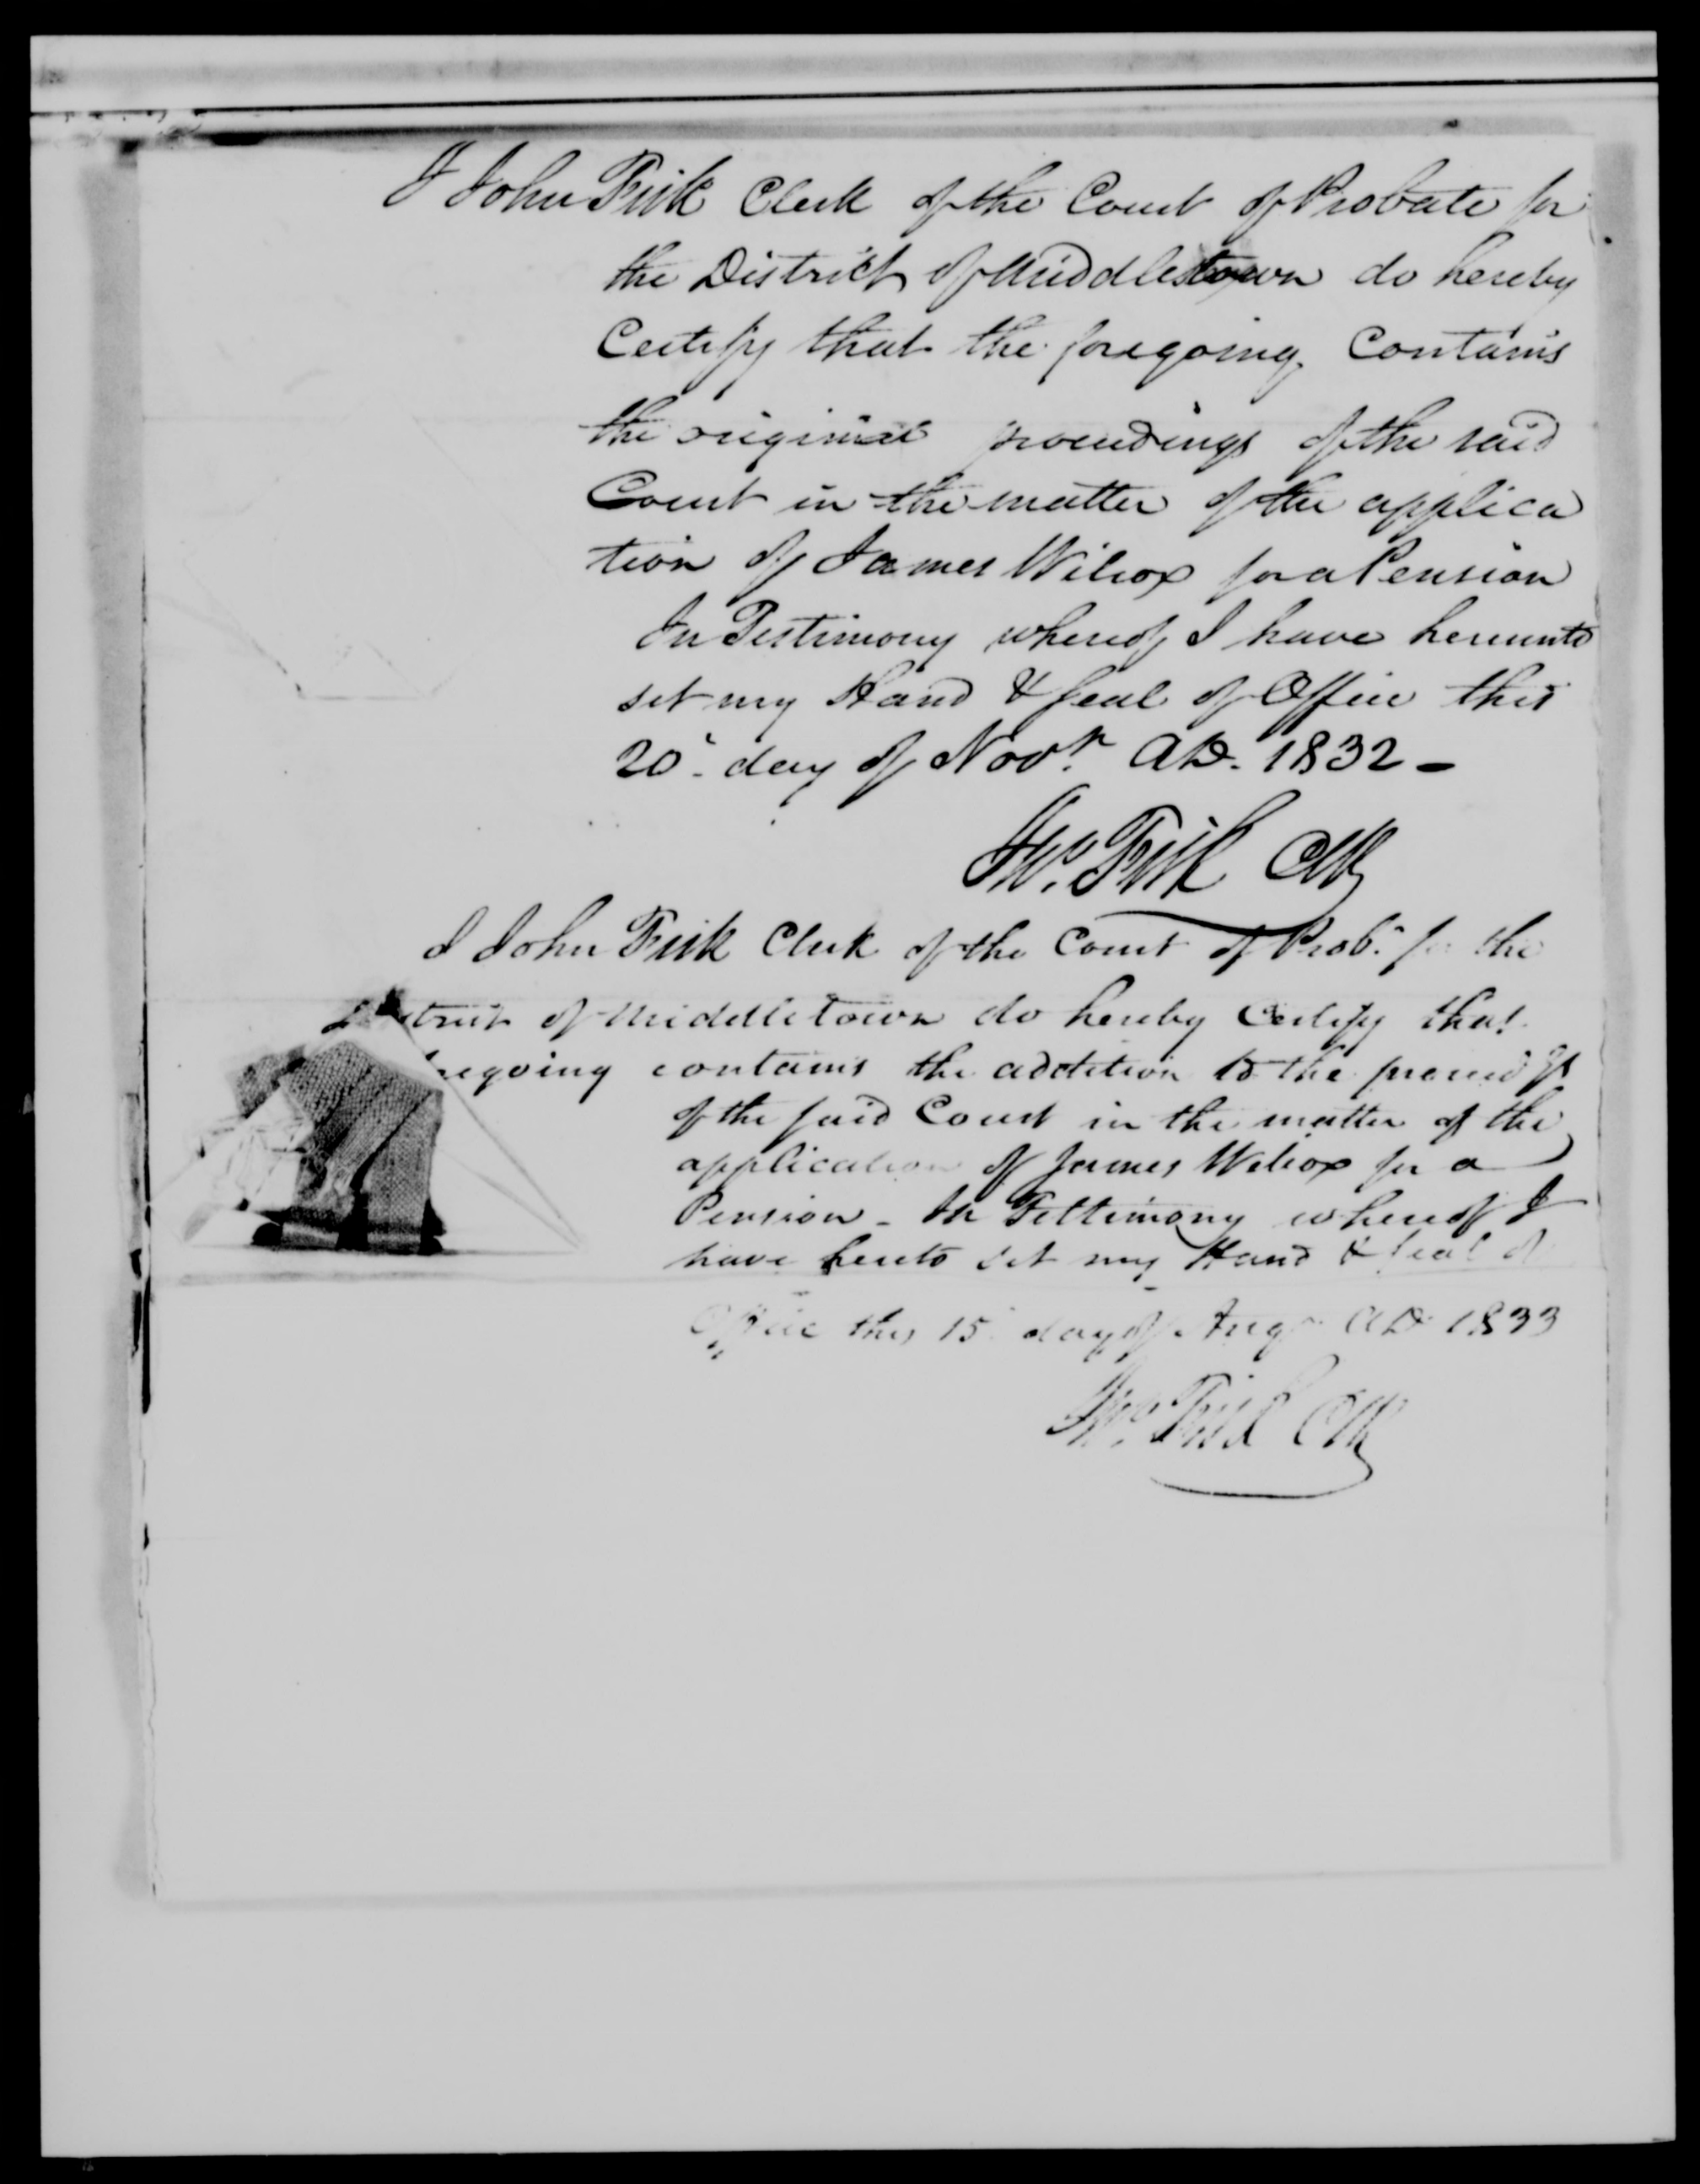I John Fisk Clerk of the Court of Probate for the District of Middletown do hereby Certify that the foregoing contains the original proceedings of the said Court in the matter of the application of James Wilcox for a Pension. In Testimony whereof I have hereunto set my hand & seal of Office this 20’ day of Novr. AD. 1832__
Jno Fisk Clk
I John Fisk Clerk of the Court of Prob’ for the district of Middletown do hereby Certify that [unreadable]egoing contain the addition to the proceedgs of the said court in the matter of the application of James Wilcox for a Pension_ In Testimony whereof I have hereto set my hand & seal of Office this 15’ day of Augt AD 1833
Jno Fisk Clk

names: James Wilcox, John Fisk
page: 24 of 46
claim: widow's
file: W. 18,417, James Willcox, Conn.